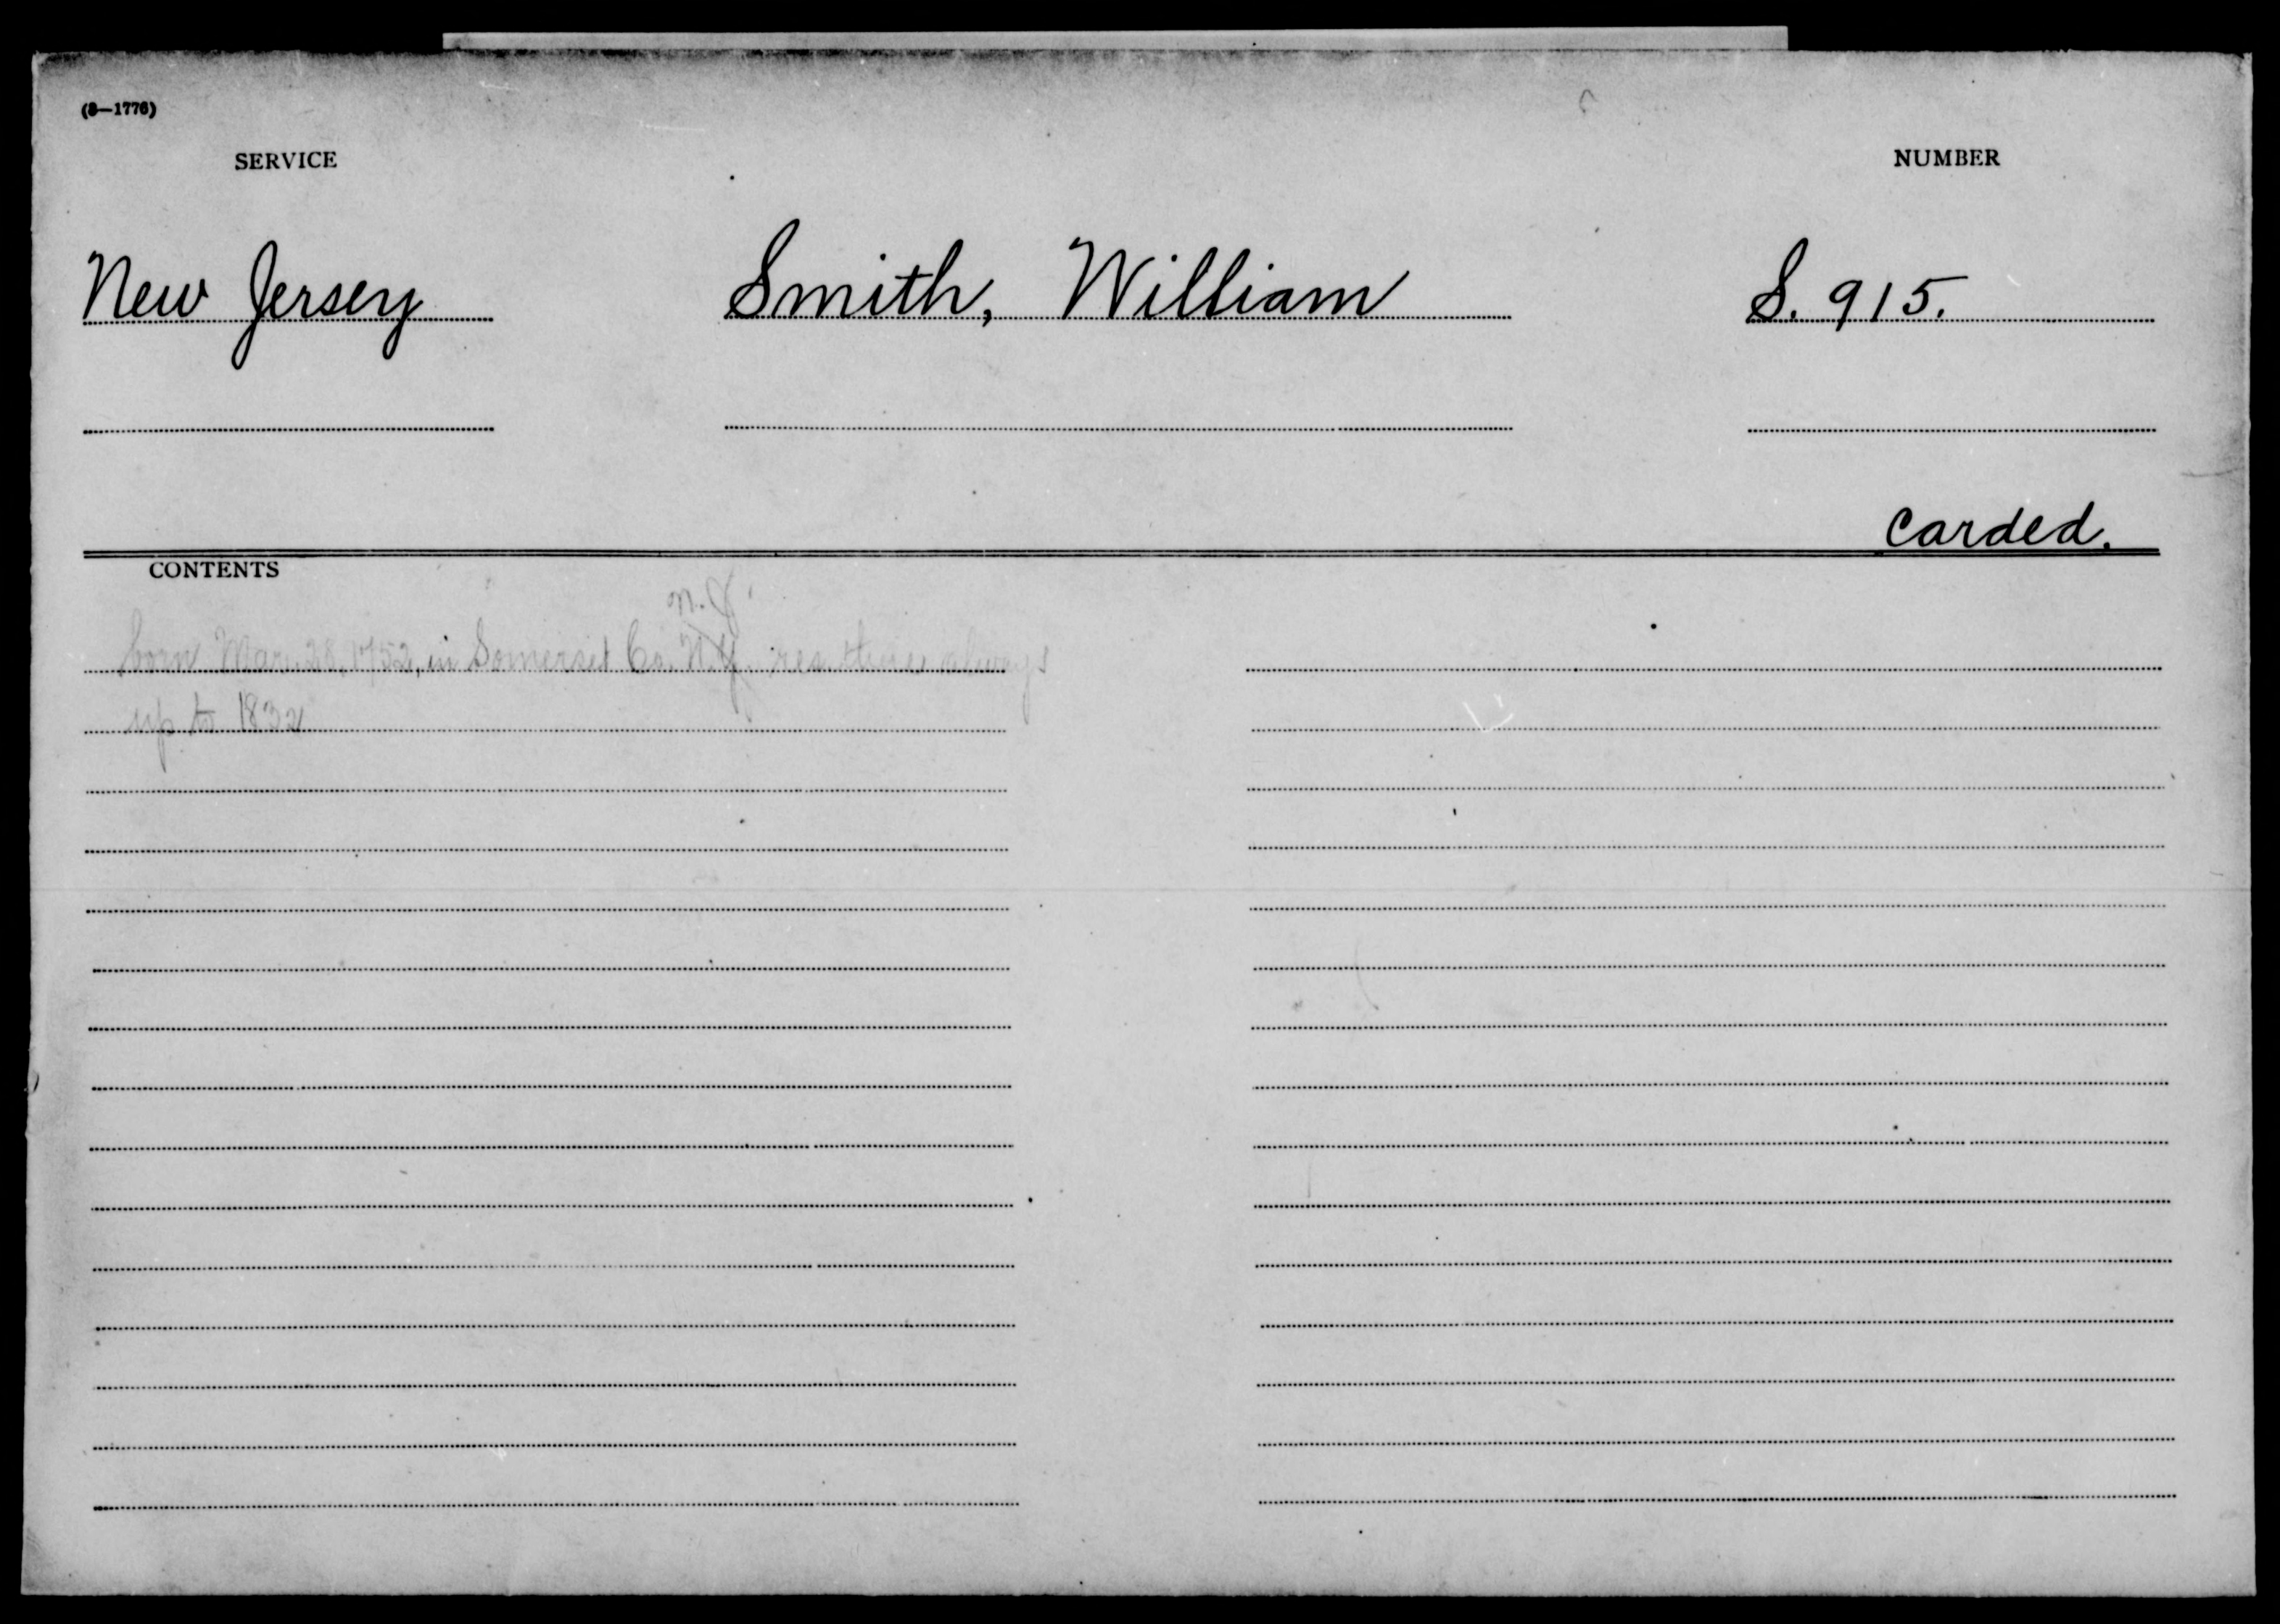(8--1776)

SERVICE                                          NUMBER
New Jersey       Smith, William        S. 915.

                                                              carded.

CONTENTS
born Mar. 28, 1752, in Somerset Co, [crossed out N.Y] ^N.J, res. there always 
up to 1832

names: [BLANK]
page: 1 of 27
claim: survivor's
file: S. 915, for William Smith, New Jersey